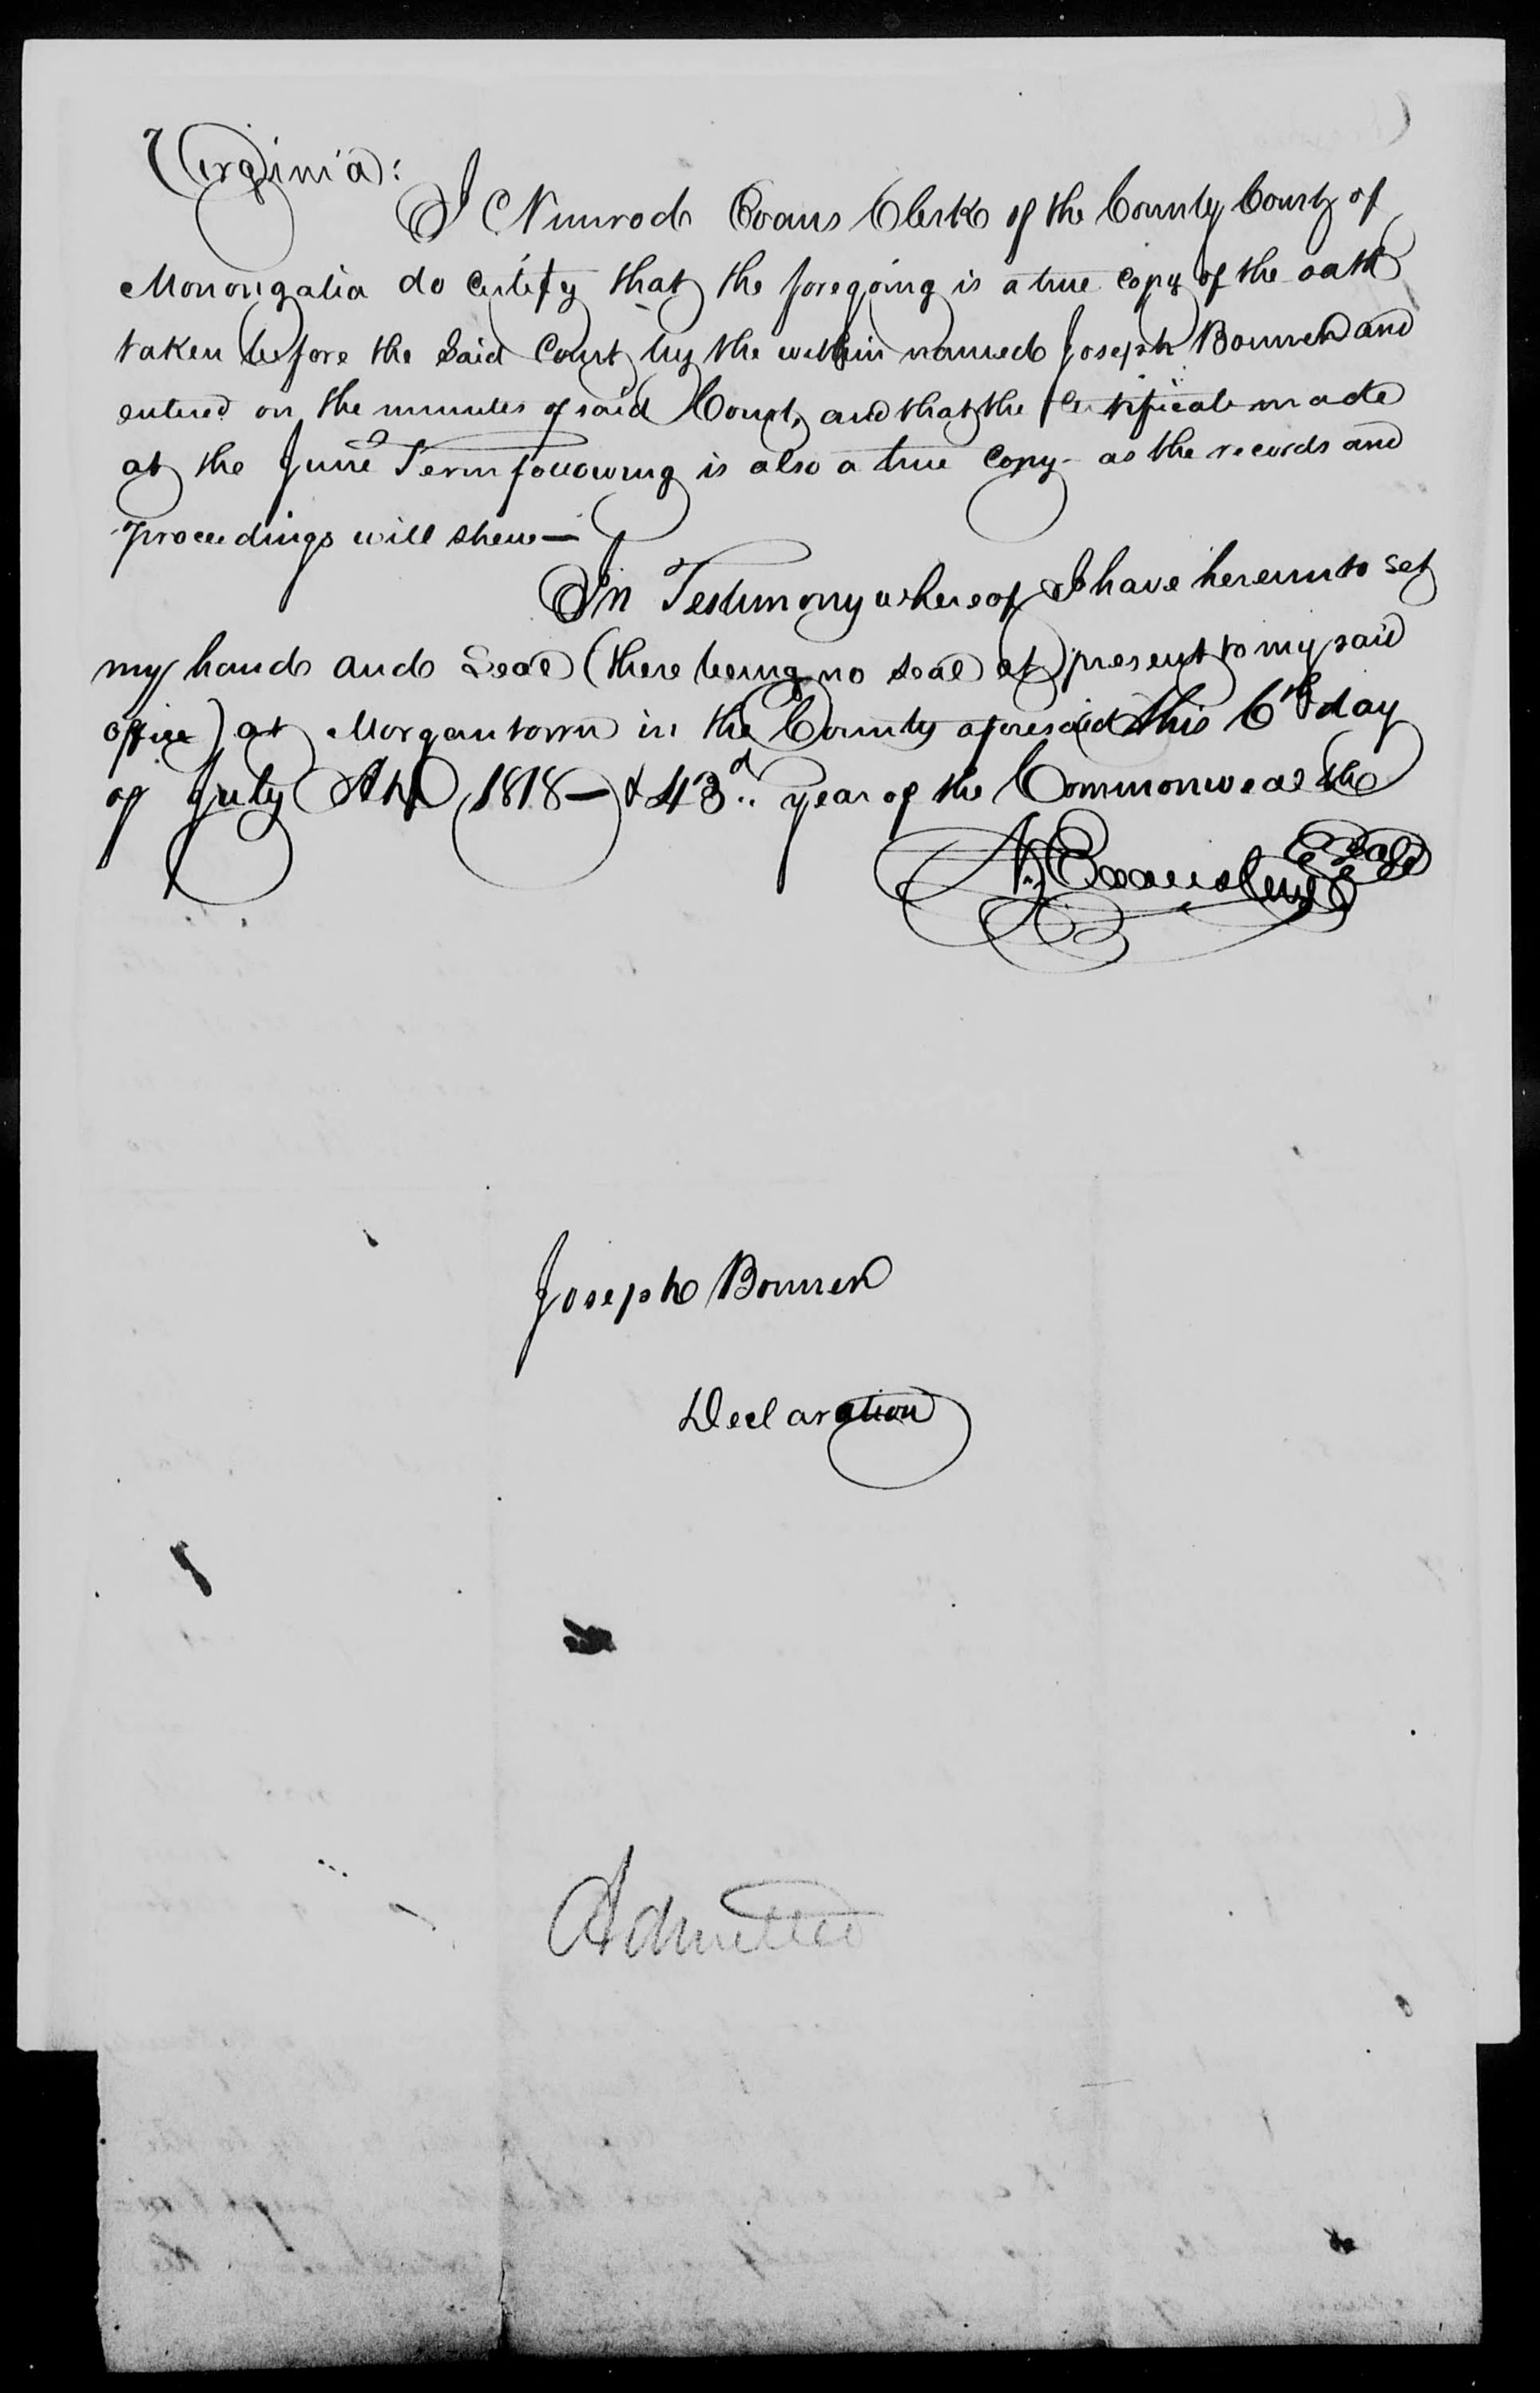Virginia:
I Nimrod Cooms Clerk of the County  Court of Monongalia do certify that the foregoing is a true copy of the oath taken before the said Court by the within named Joseph Bonner and entered on the minutes of said Court, and that the certificate made at the June Term following is also a true copy-as the records and proceedings will show--
In Testimony whereof I have hereunto set my hands and seal (there being no seal of present to my said office) at Morgantown in the County aforesaid this 6th day of July A. D. 1818-& 43rd year of the Commonwealth
N. Cooms Clerk (seal drawn)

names: Nimrod Cooms, Joseph Bonner, Joseph Bonner, N Cooms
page: 8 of 20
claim: survivor's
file: S. 40,021, Joseph Bonner, Penn.